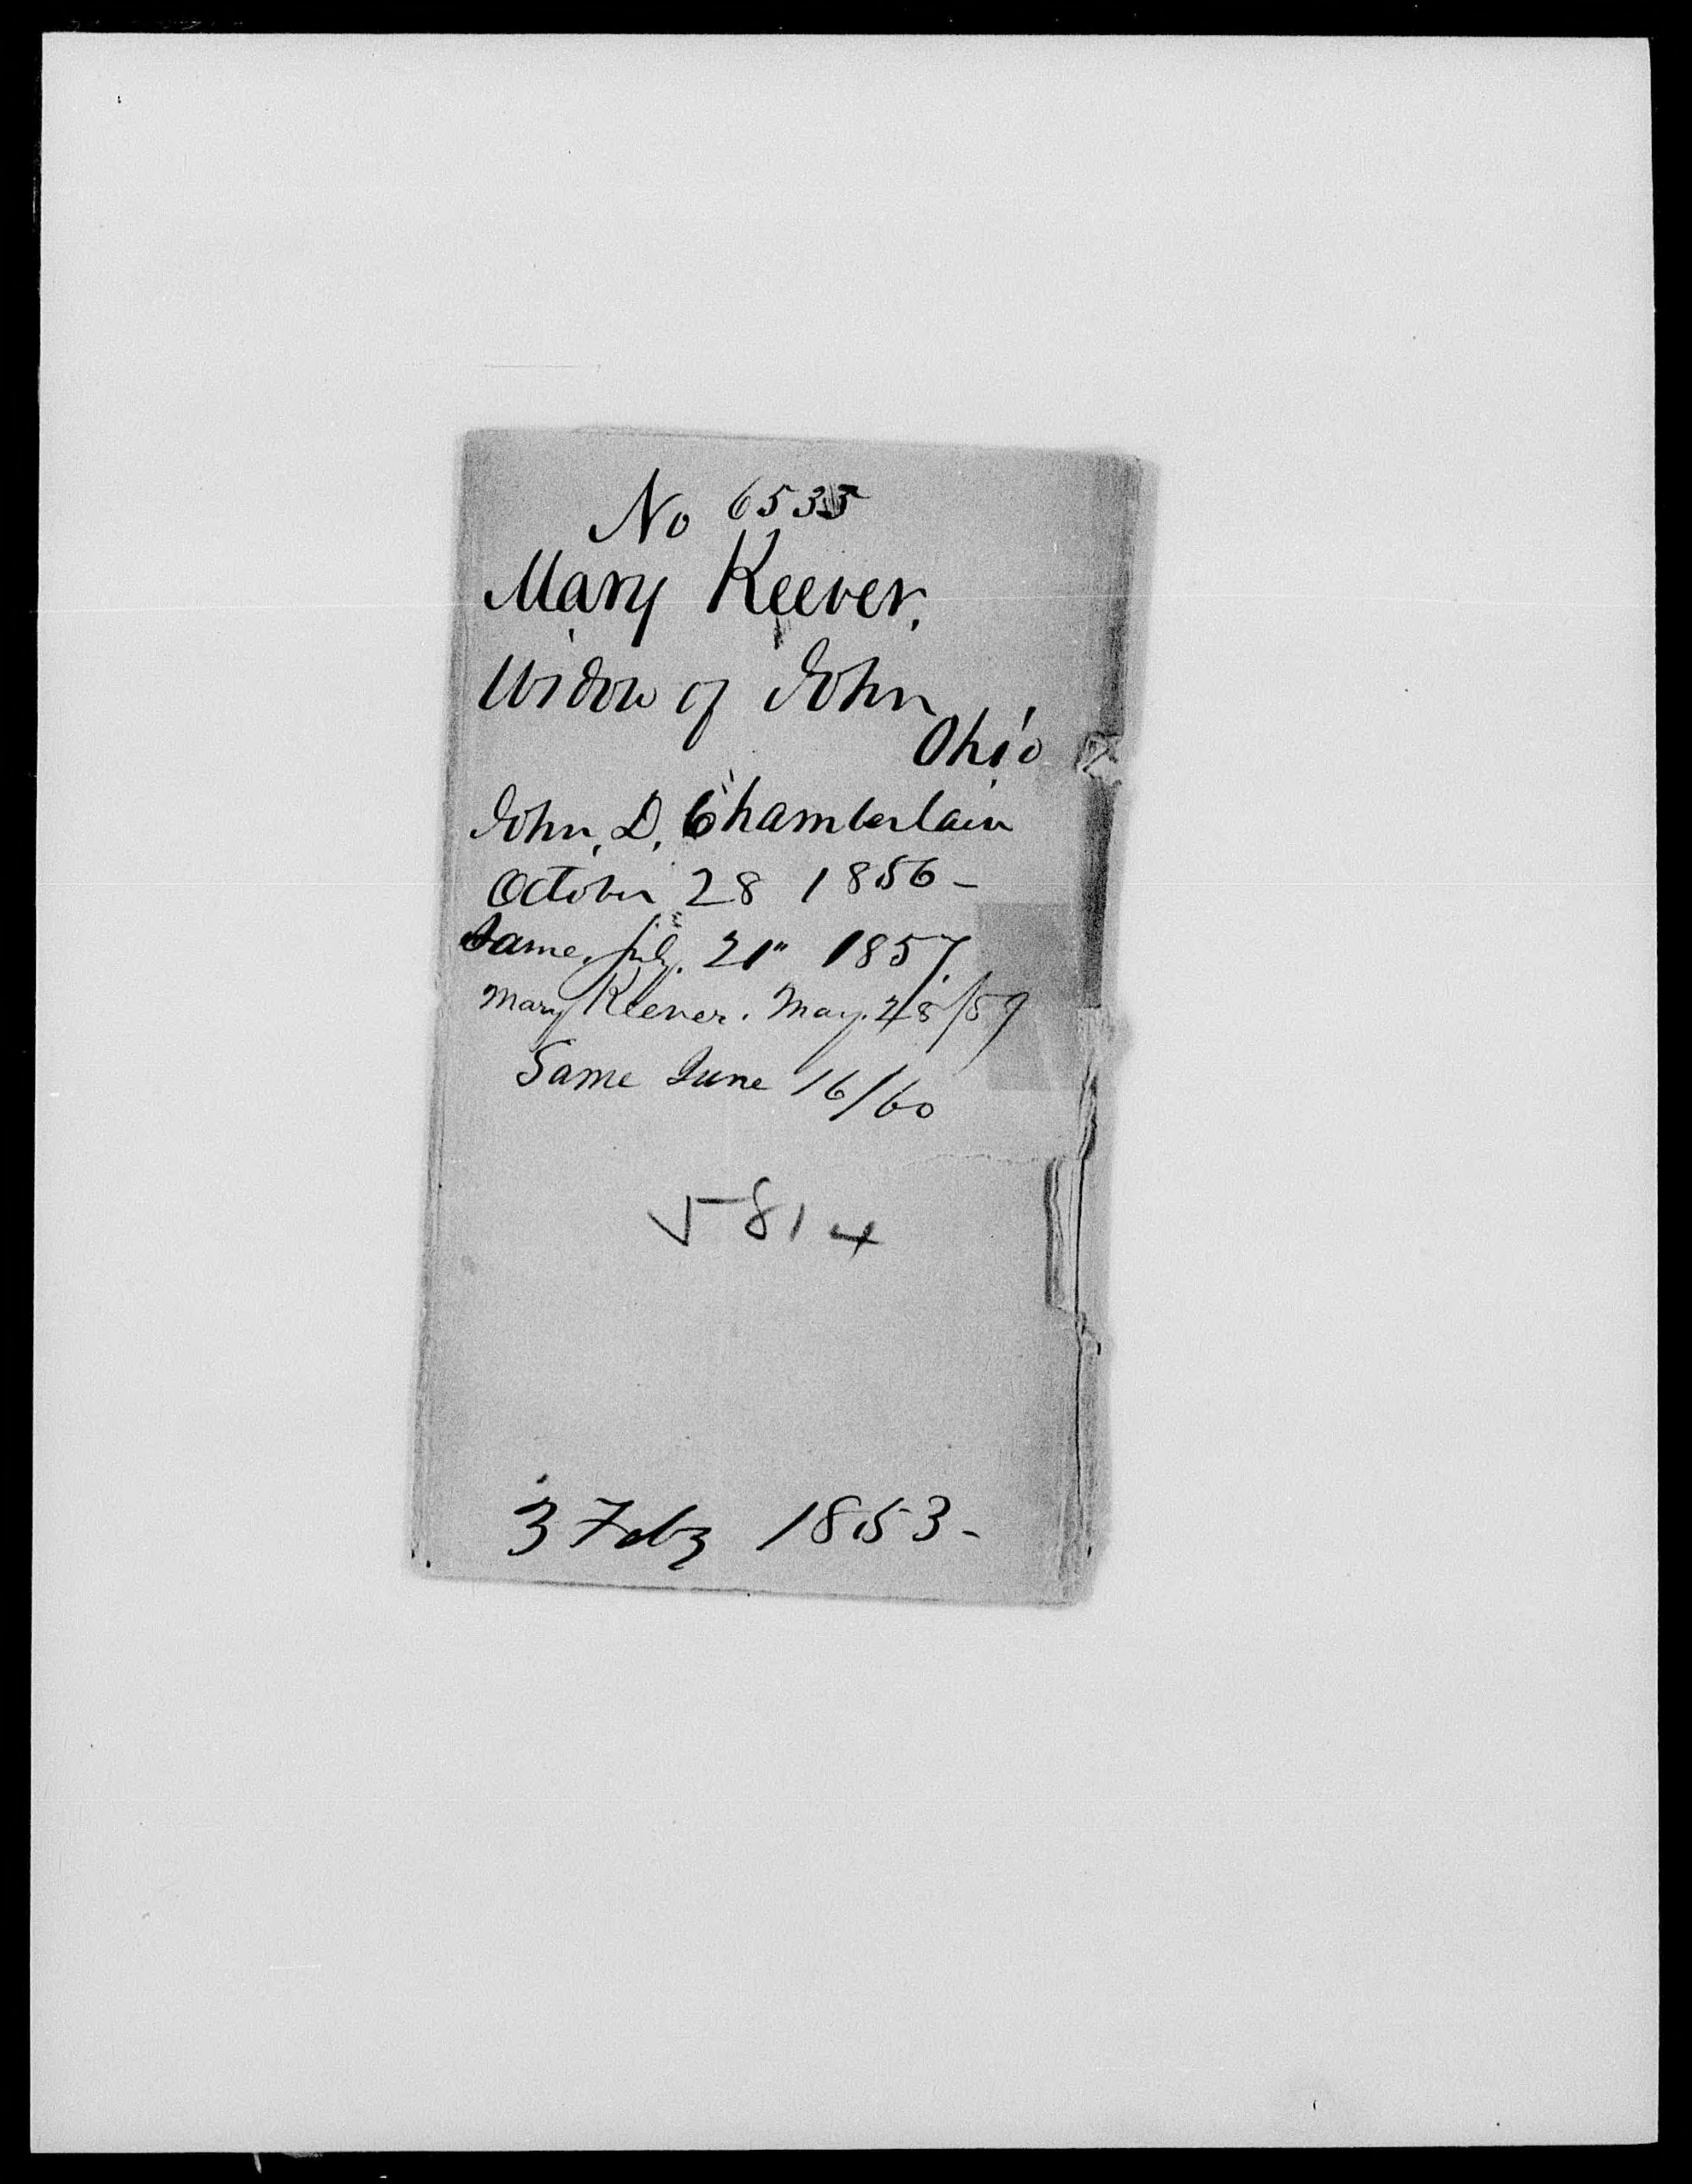No 6535 
Mary Keever 
Widow of John 
Ohio 
John D. Chamberlain 
October 28 1856. 
Same July 21 1857.
Mary Keever. May 28/59
Same June 16 /60 

5814

3 Febr 1853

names: John D Chamberlain; Mary Keever; John Keever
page: 11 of 33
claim: rejected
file: R. 5814, for John Keever, Maryland